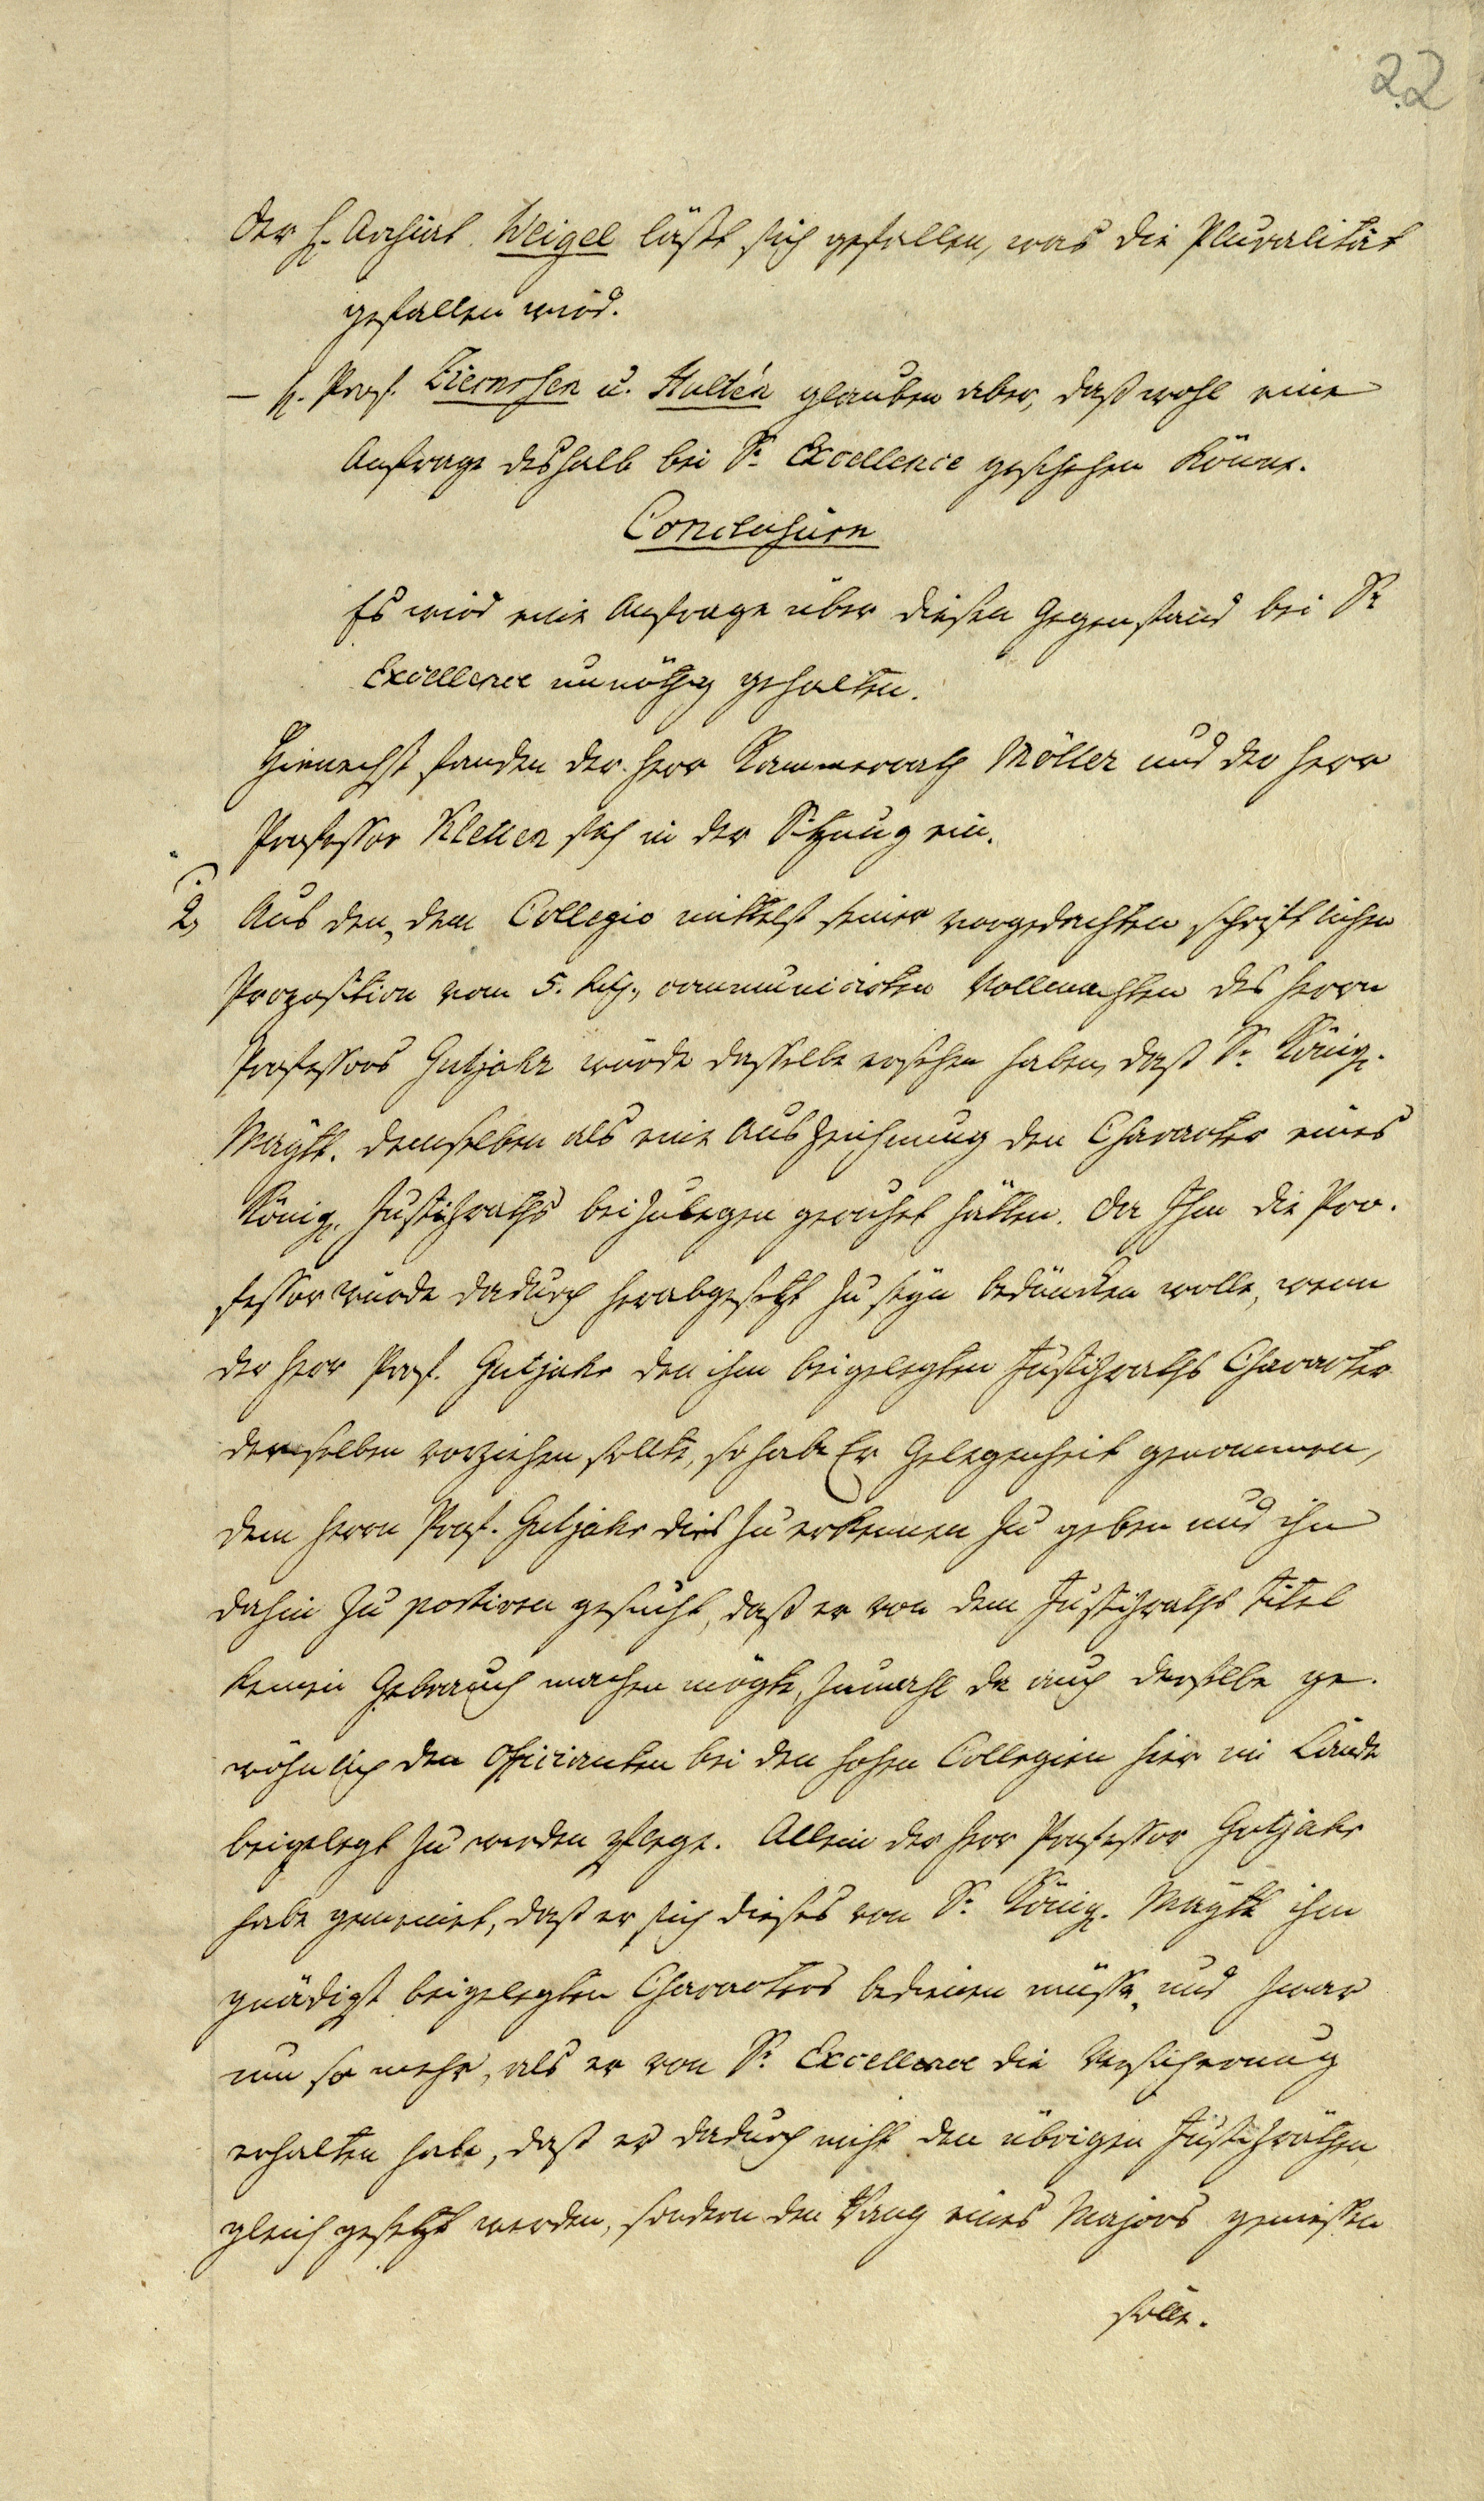Der h. Archiat. Weigel läßt sich gefallen, was die Pluralität
gefallen wird.
dh. Prof. Ziemssen u. Hultén glauben aber, daß wohl eine
Anfrage deshalb bei Sr. Excellence geschehen könne.
Conclusum
Es wird eine Anfrage über diesen Gegenstand bei Sr.
Excellence unnöthig gehalten.
Hienechst fanden der Herr Kammerrath Möller und der Herr
Professor Kletten sich in der Sitzung ein.
2, Aus den, dem Collegio mittelst seiner vorgedachten schriftlichen
Proposition vom 5. huj., communicirten Vollmachten des Herrn
Professors Gutjahr würde dasselbe ersehen haben, daß Sr. König.
Maÿtt. demselben als eine Auszeichnung den Character eines
König. Justizraths beizulegen geruhet hätten. Da Ihm die Pro¬
fessorwürde dadurch herabgesetzt zu seÿn bedüncken wolle, wenn
der Herr Prof. Gutjahr den ihm beigelegten Justizraths Character
derselben vorziehen sollte, so habe Er Gelegenheit genommen,
dem Herrn Prof. Gutjahr dies zu erkennen zu geben und ihn
dahin zu portiren gesucht, daß er von dem Justizraths Titel
keinen Gebrauch machen mögte, zumahl da auch derselbe ge¬
wöhnlich den Officianten bei den hohen Collegien hier im Lande
beigelegt zu werden pflege. Allein der Herr Professor Gutjahr
habe gemeinet, daß er sich dieses von Sr. König. Maÿtt ihm
gnädigst beigelegten Charackters bedienen müsse, und zwar
um so mehr, als er von Sr Excellence die Versicherung
erhalten habe, daß er dadurch nicht den übrigen Justizräthen
gleichgesetzt werden, sondern den Rang eines Majors geniessen
solle.